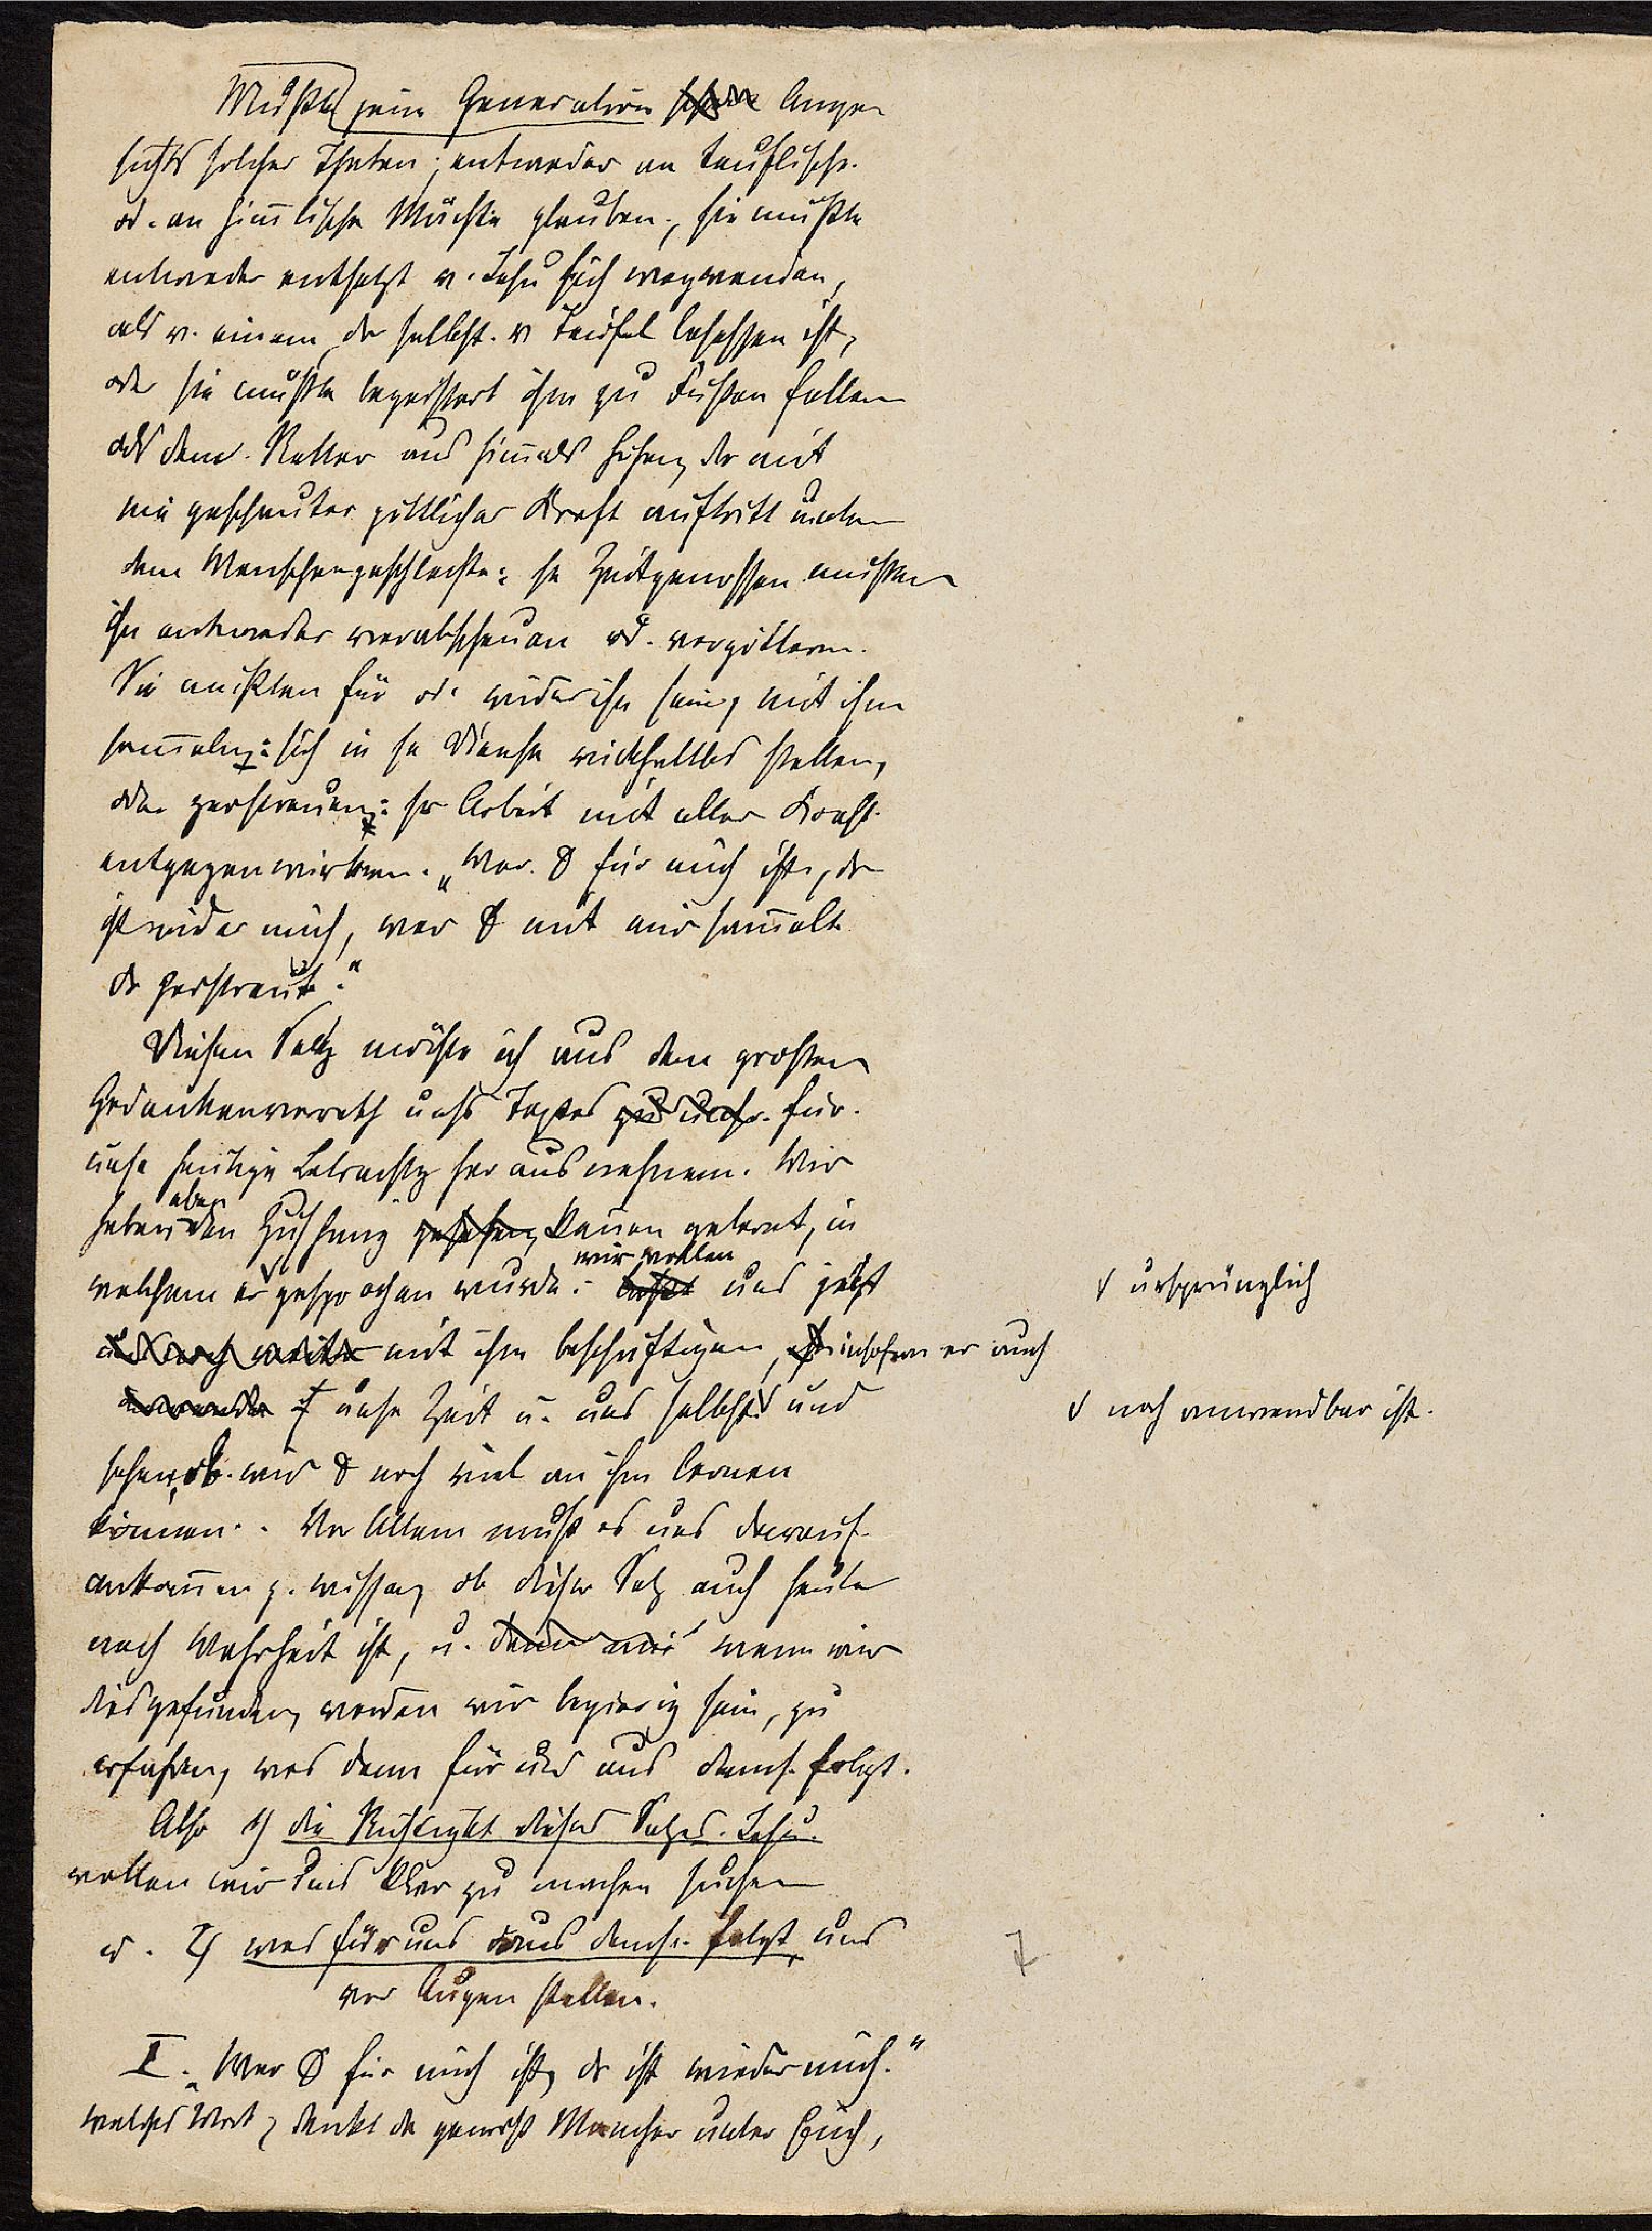Mußte jene Generation schon Ange¬
sichts solcher Thaten; entweder an teuflische
od. an himlische Mächte glauben. sie mußte
entweder entsetzt v. Jesu sich wegwenden,
als v. einem, der selbst v. Teufel besessen ist,
oder sie mußten begeistert ihm zu Füßen fallen,
als dem Retter aus himmels Höhen, dr mit
nie geschauter göttlicher Kraft auftritt unter
dem Menschengeschlechte: sn Zeitgenossen müßten
ihn entweder verabscheuen od. vergöttern
Sie müßten für od. wider ihn sein, mit ihm
sameln: sich in sn Dienste rückhaltlos stellen,
oder zerstreuen: sr Arbeit mit aller Kraft
entgegenwirken. "Wer o für mich ist, der
ist wider mich, wer o mit mir samelt
der zerstreut."
Diesen Satz möchte ich uns den großen
Gedankenwerth uns. Textes zu unsr. für
unsr heutige Betrachtg snr ausnehmen. Wir
eben
haben den Zushang gesehen, kenen gelernt, in
wir wollen
welchem er gesprochen wurde. Laßt uns jetzt
uns noch weiter mit ihm beschäftigen, ihn insofern er auch
anwenden f unsr Zeit u uns selbst V und
sehen, ob wir o noch viel an ihm lernen
können.. Vn Allem muß es uns darauf
ankomen z. wissen, ob dieser Satz auch heute
noch Wahrheit ist, u. dem wir wenn wir
dies gefunden, werden wir begierig sein, zu
erfahren, was denn für uns aus dems. folgt.
Also 1) die Richtigkeit dieses Satzes Jesu.
wollen wir uns klar zu machen suchen
u. 2) was für uns aus dems. folgt uns
vor Augen stellen
I. "Wer o für mich ist, dr ist wider mich."
welches Wort, denk da gewiss Mancher unter Euch,
V ursprünglich
V noch anwendbar ist.